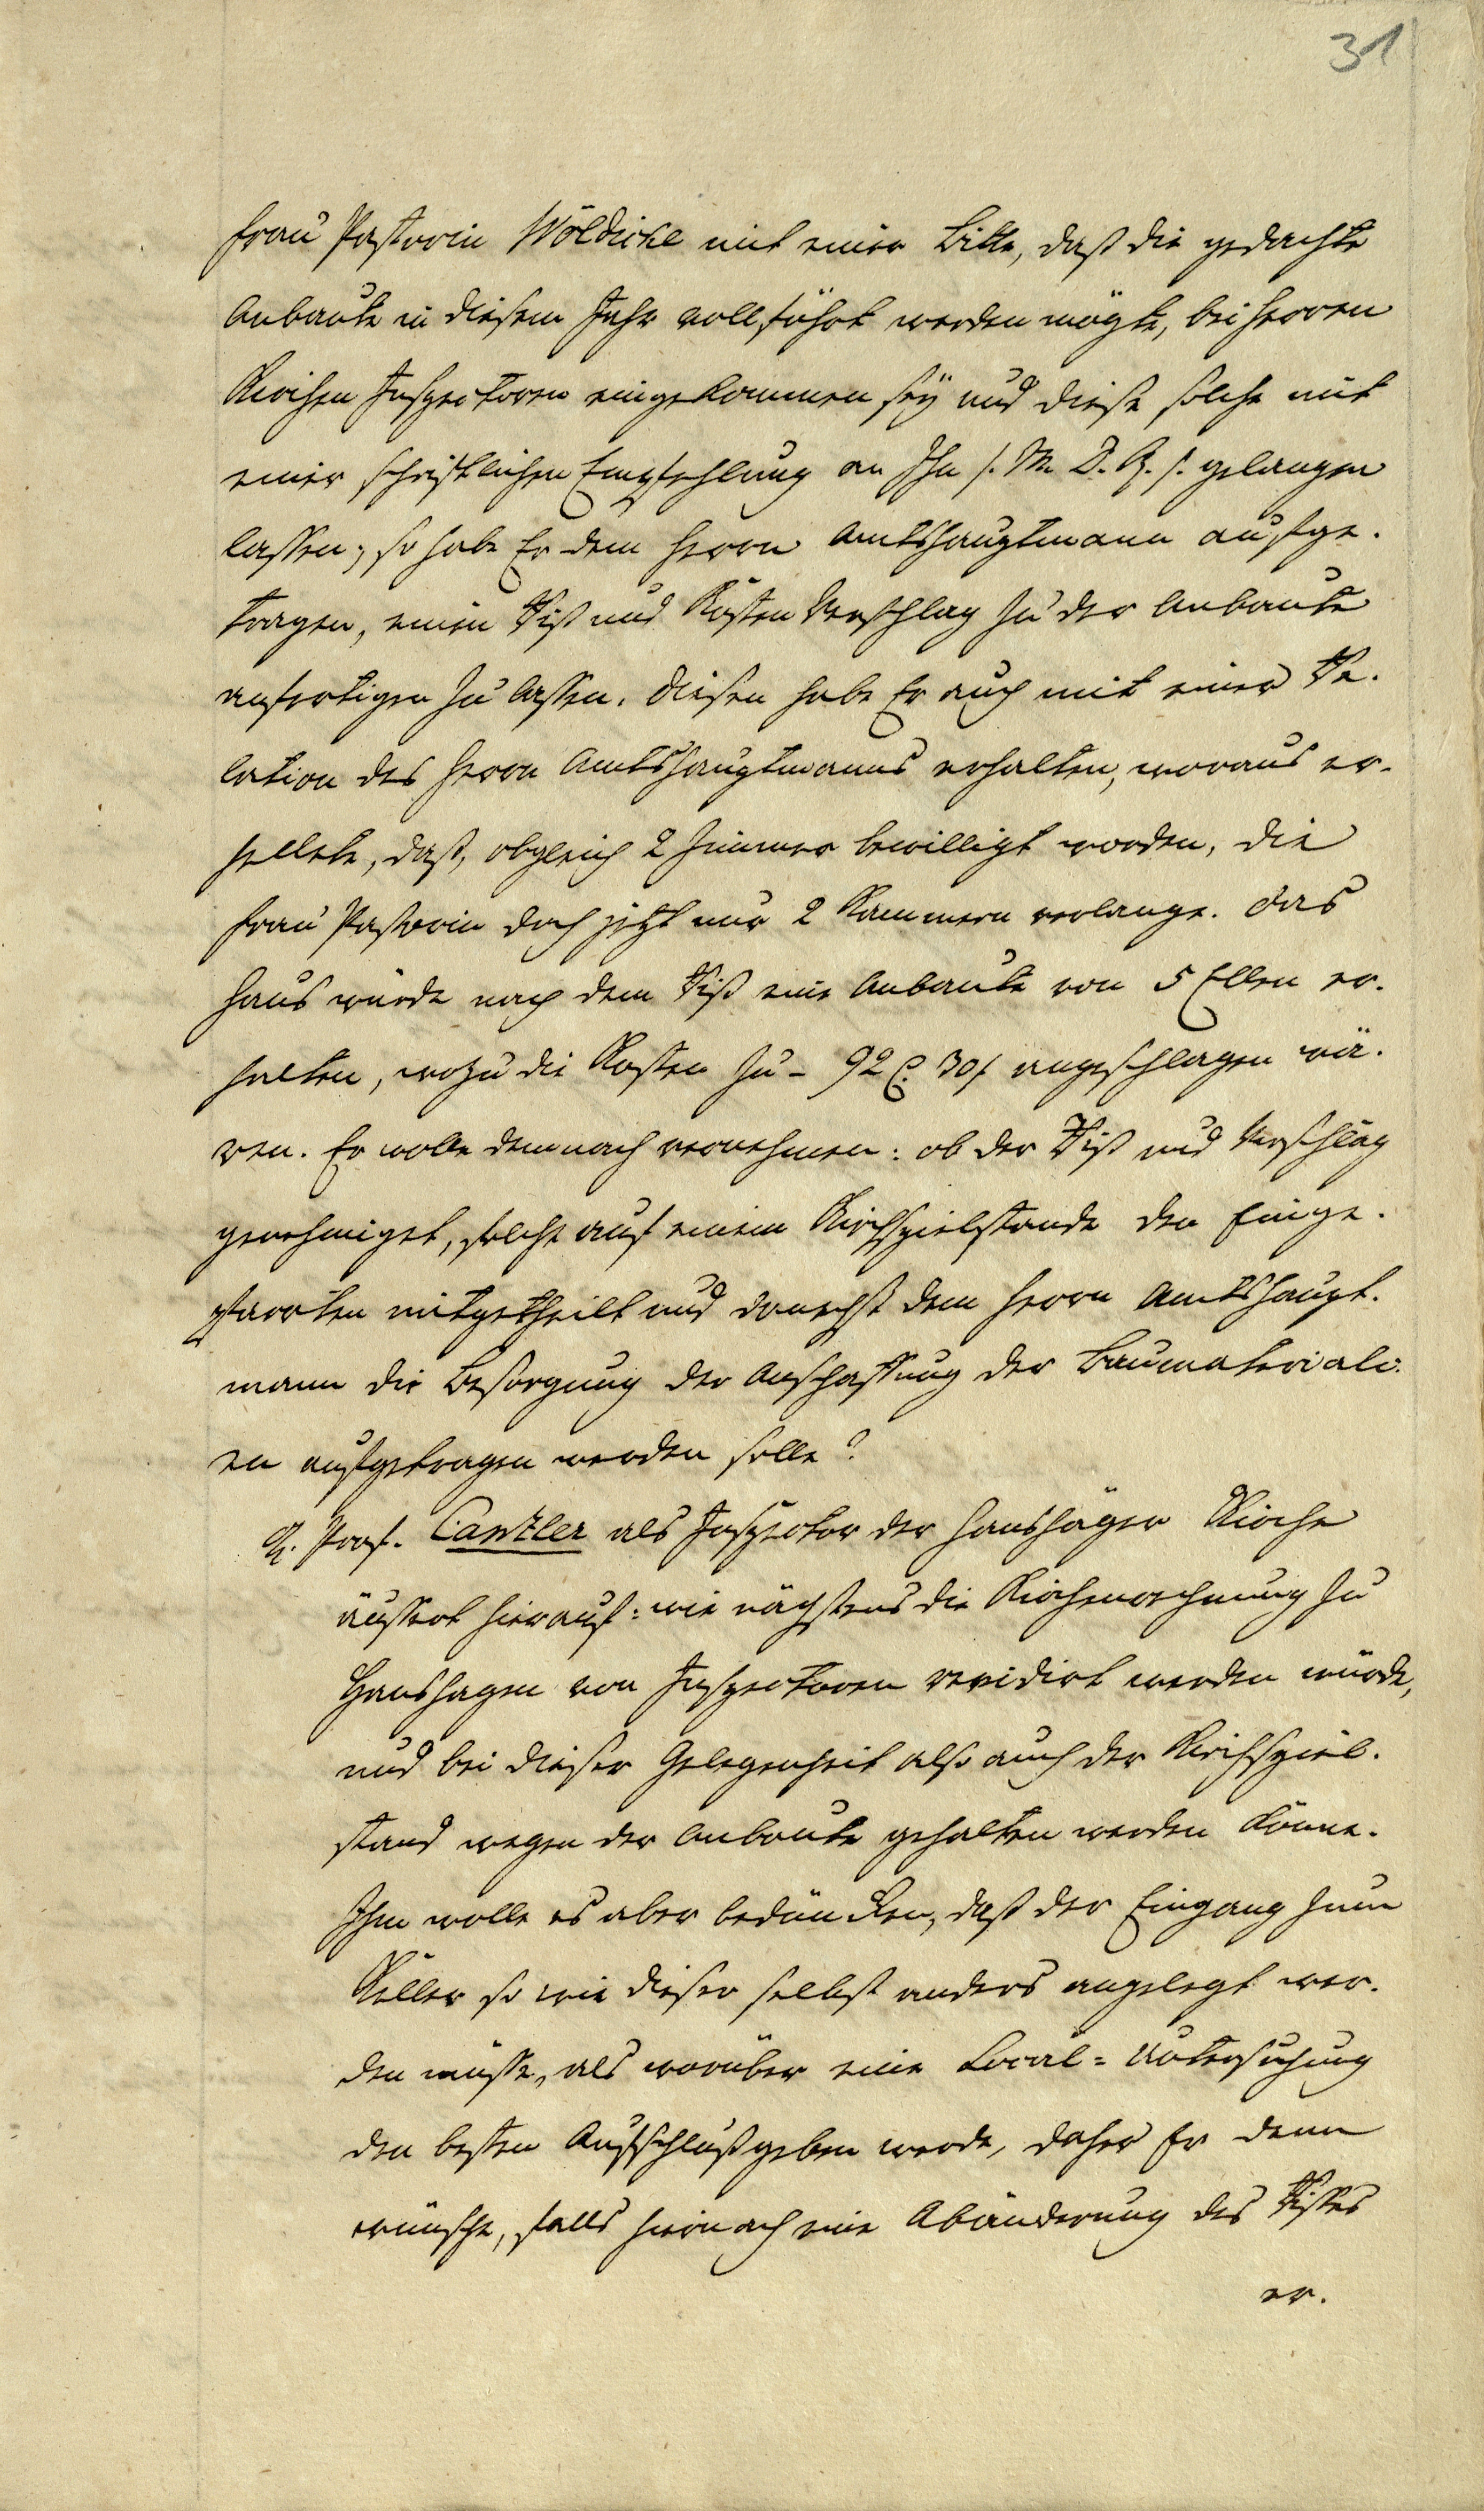Frau Pastorin Wöldicke mit einer Bitte, daß die gedachte
Anbaute in diesem Jahr vollführt werden mögte, bei Herren
Kirchen Inspectoren eingekommen seÿ und diese solche mit
einer schriftlichen Empfehlung an Ihn /. M. D. R. /. gelangen
lassen; so habe Er dem Herrn Amtshauptmann aufge¬
tragen, einem Riß und Kosten Verschlag zu der Anbaute
anfertigen zu lassen. Diesen habe Er auch mit einer Re¬
lation des Herrn Amtshauptmanns erhalten, woraus er¬
hellete, daß, obgleich 2 Zimmer bewilligt worden, die
Frau Pastorin doch jetzt nur 2 Kammern verlange. Das
Haus würde nach dem Riß eine Anbaute von 5 Ellen er¬
halten, wozu die Kosten zu - 92 l. 30 s. angeschlagen wä¬
ren. Er wolle demnach vernehmen: ob der Riß und Verschlag
genehmiget, solche auf einem Kirchspielstande den Einge¬
pfarrten mitgetheilt und danechst dem Herrn Amtshaupt¬
mann die Besorgung der Anschaffung der Baumateriali¬
en aufgetragen werden solle?
dh. Prof. Canzler als Inspector der Hanshäger Kirche
äussert hierauf wie nächstens die Kirchenrechnung zu
Hanshagen von Inspectoren revidirt werden würde,
und bei dieser Gelegenheit also auch der Kirchspiel¬
stand wegen der Anbaute gehalten werden könne.
Ihm wolle es aber bedüncken, daß der Eingang zum
Keller so wie dieser selbst anders angelegt wer¬
den müsse, als worüber eine Local- Untersuchung
den besten Aufschluß geben werde, daher Er denn
wünsche, falls hiernach eine Abänderung des Risses
er¬